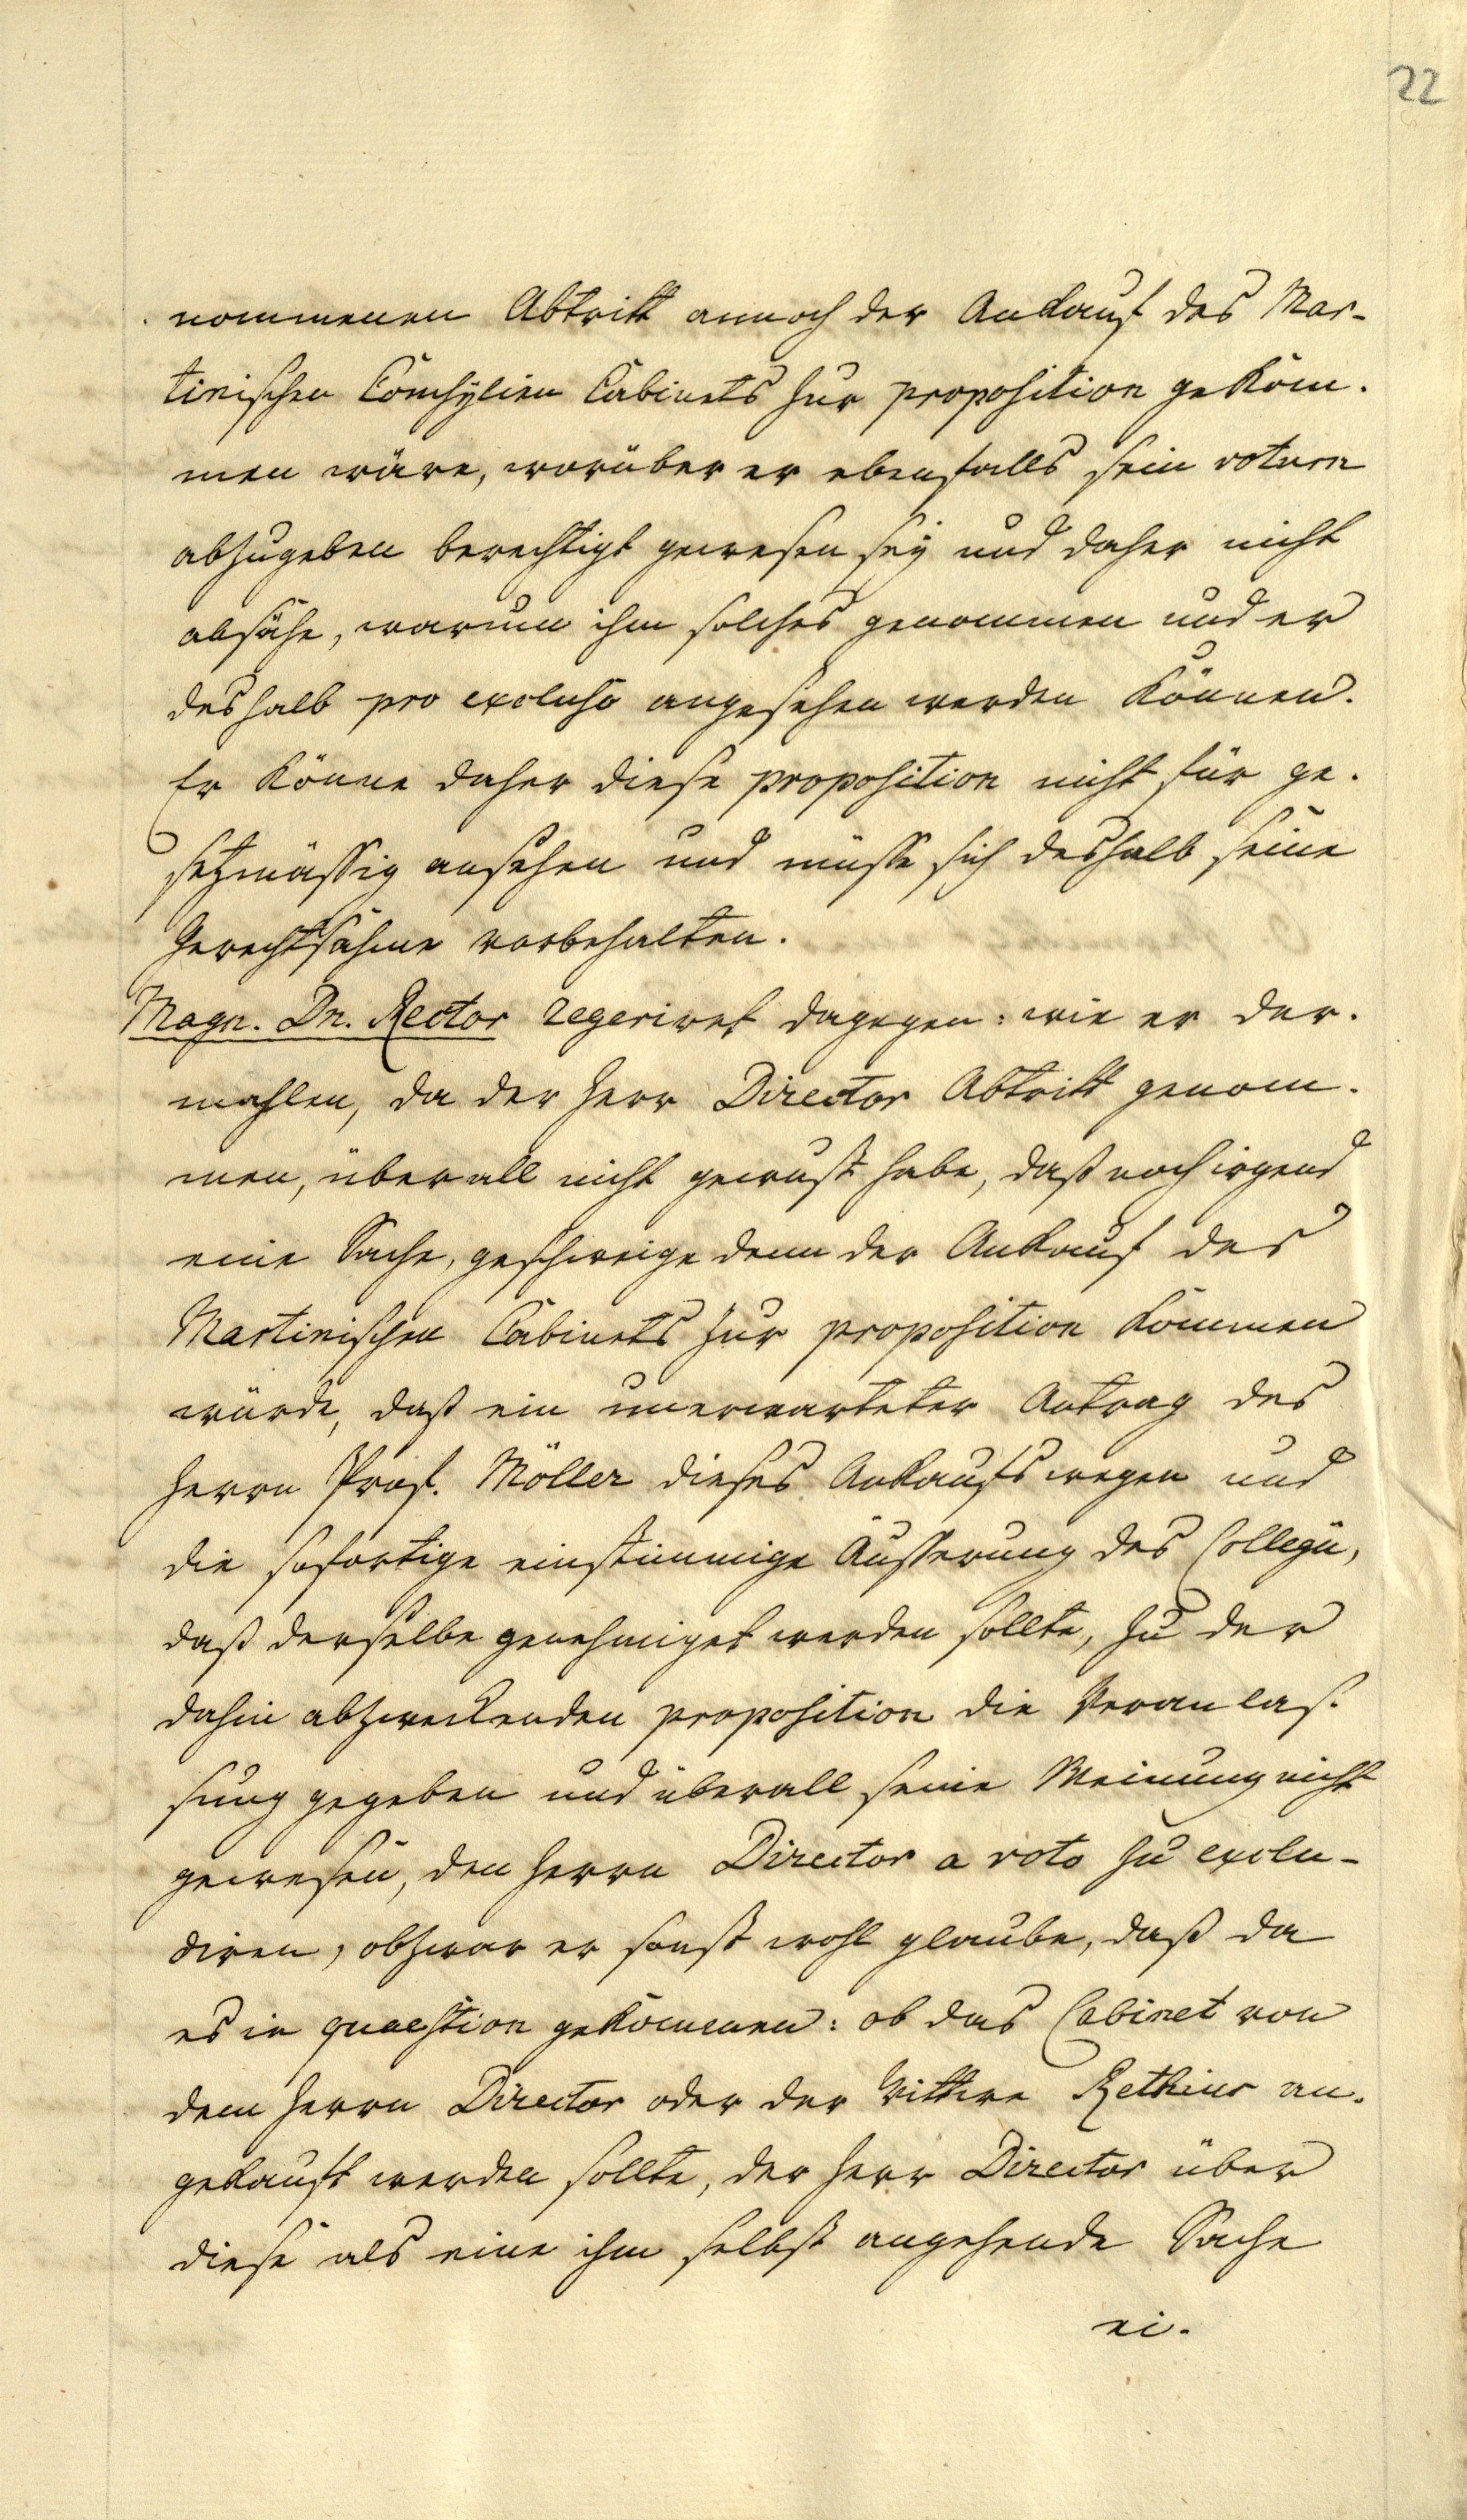nommenen Abtritt annoch der Ankauf des Mar-
tinischen Conchylien Cabinets zur proposition gekom-
men wäre, worüber er ebenfalls ein votum
abzugeben berechtigt gewesen sey und daher nicht
absähe, warum ihm solches genommen und er
deshalb pro excluso angesehen werden können.
Er könne daher diese proposition nicht für ge-
setzmässig ansehen und müsse sich deshalb seine
Gerechtsahme vorbehalten.
Magn. Dn. Rector regeriret dagegen: wie er dar-
mahlen, da der Herr Director Abtritt genom-
men, überall nicht gewußt habe, daß noch irgend
eine Sache, geschweige denn der Ankauf ds
Martinischen Cabinets zur proposition kommen
würde, daß ein unerwarteter Antrag des
Herrn Prof. Möller dieses Ankaufs wegen und
die sofortige einstimmige Äusserung des Collegii,
daß derselbe genehmiget werden sollte, zu der
dahin abzweckenden proposition die Veranlas-
sung gegeben und überall seine Meiung nicht
gewesen, den Herrn Director a voto zu exclu-
diren, obzwar er sonst wohl glaube, daß da
es in quaestion gekommen: ob das Cabinet von
dem Herrn Director oder der Wittwe Rethius an-
gekauft werden sollte, der Herr Director über
diese als eine ihm selbst angehende Sache
ei-